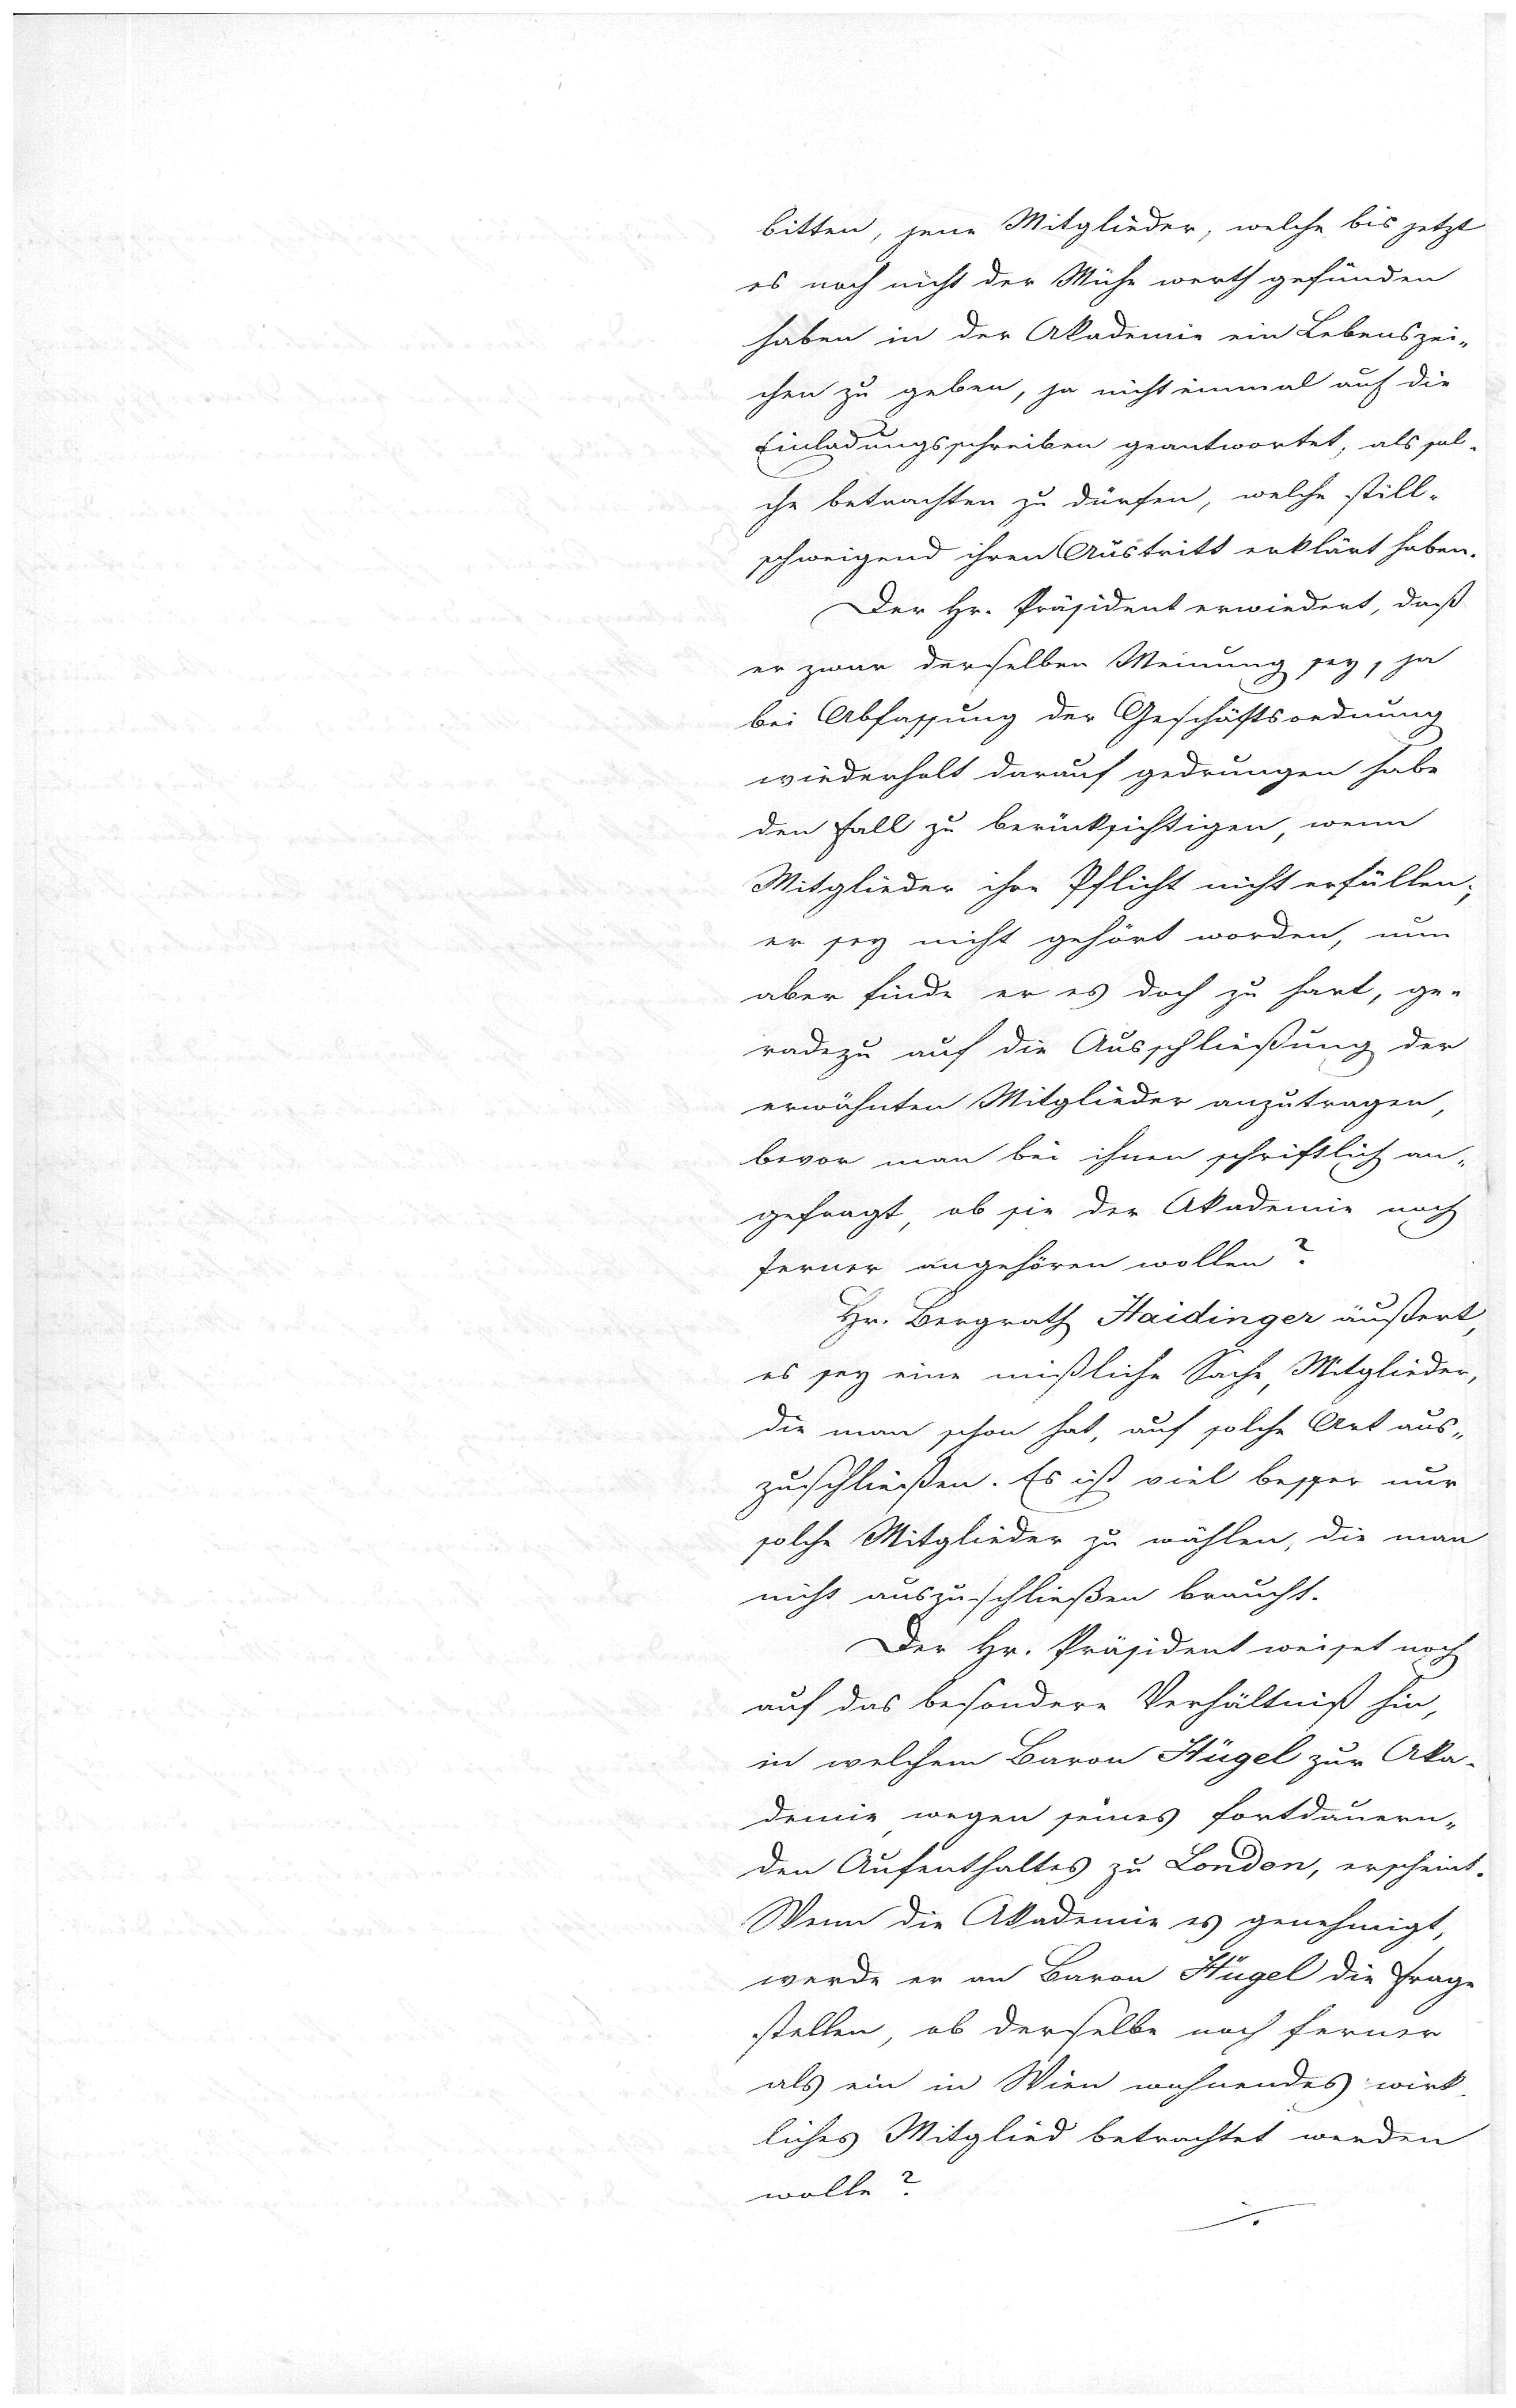bitten, jene Mitglieder, welche bis jetzt
es noch nicht der Mühe werth gefünden
haben in der Akademie ein Lebenszei-
chen zu geben, ja nicht einmal auf die
Einladungsschreiben geantwortet, als sol-
che betrachten zu dürfen, welche still-
schweigend ihren Austritt erklärt haben.
Der Hr. Präsident erwiedert, daß
er zwar derselben Meinung sey, ja
bei Abfassung der Geschäftsordnung
wiederholt darauf gedrungen habe
den Fall zu berücksichtigen, wenn
Mitglieder ihre Pflicht nicht erfüllen:
er sey nicht gehört worden, nun
aber finde er es doch zu hart, ge-
radezu auf die Ausschließung der
erwähnten Mitglieder anzutragen,
bevor man bei ihnen schriftlich an-
gefragt, ob sie der Akademie noch
ferner gehören wollen?
Hr. Bergrath Haidinger äußert,
es sey eine mißliche Sache, Mitglieder,
die man schon hat, auf solche Art aus-
zuschließen. Es ist viel besser nur
solche Mitglieder zu wählen, die man
nicht auszuschließen braucht.
Der Hr. Präsident weiset noch
auf das besonderen Verhältniß hin,
in welchem Baron Hügel zur Aka-
demie wegen seines fortdauern-
den Aufenthaltes zu London, erscheint.
Wenn die Akademie es genehmigt,
werde er an Baron Hügel die Frage
stellen, ob derselbe noch ferner
als ein in Wien wohnendes wirk-
liches Mitglied betrachtet werden
wolle?